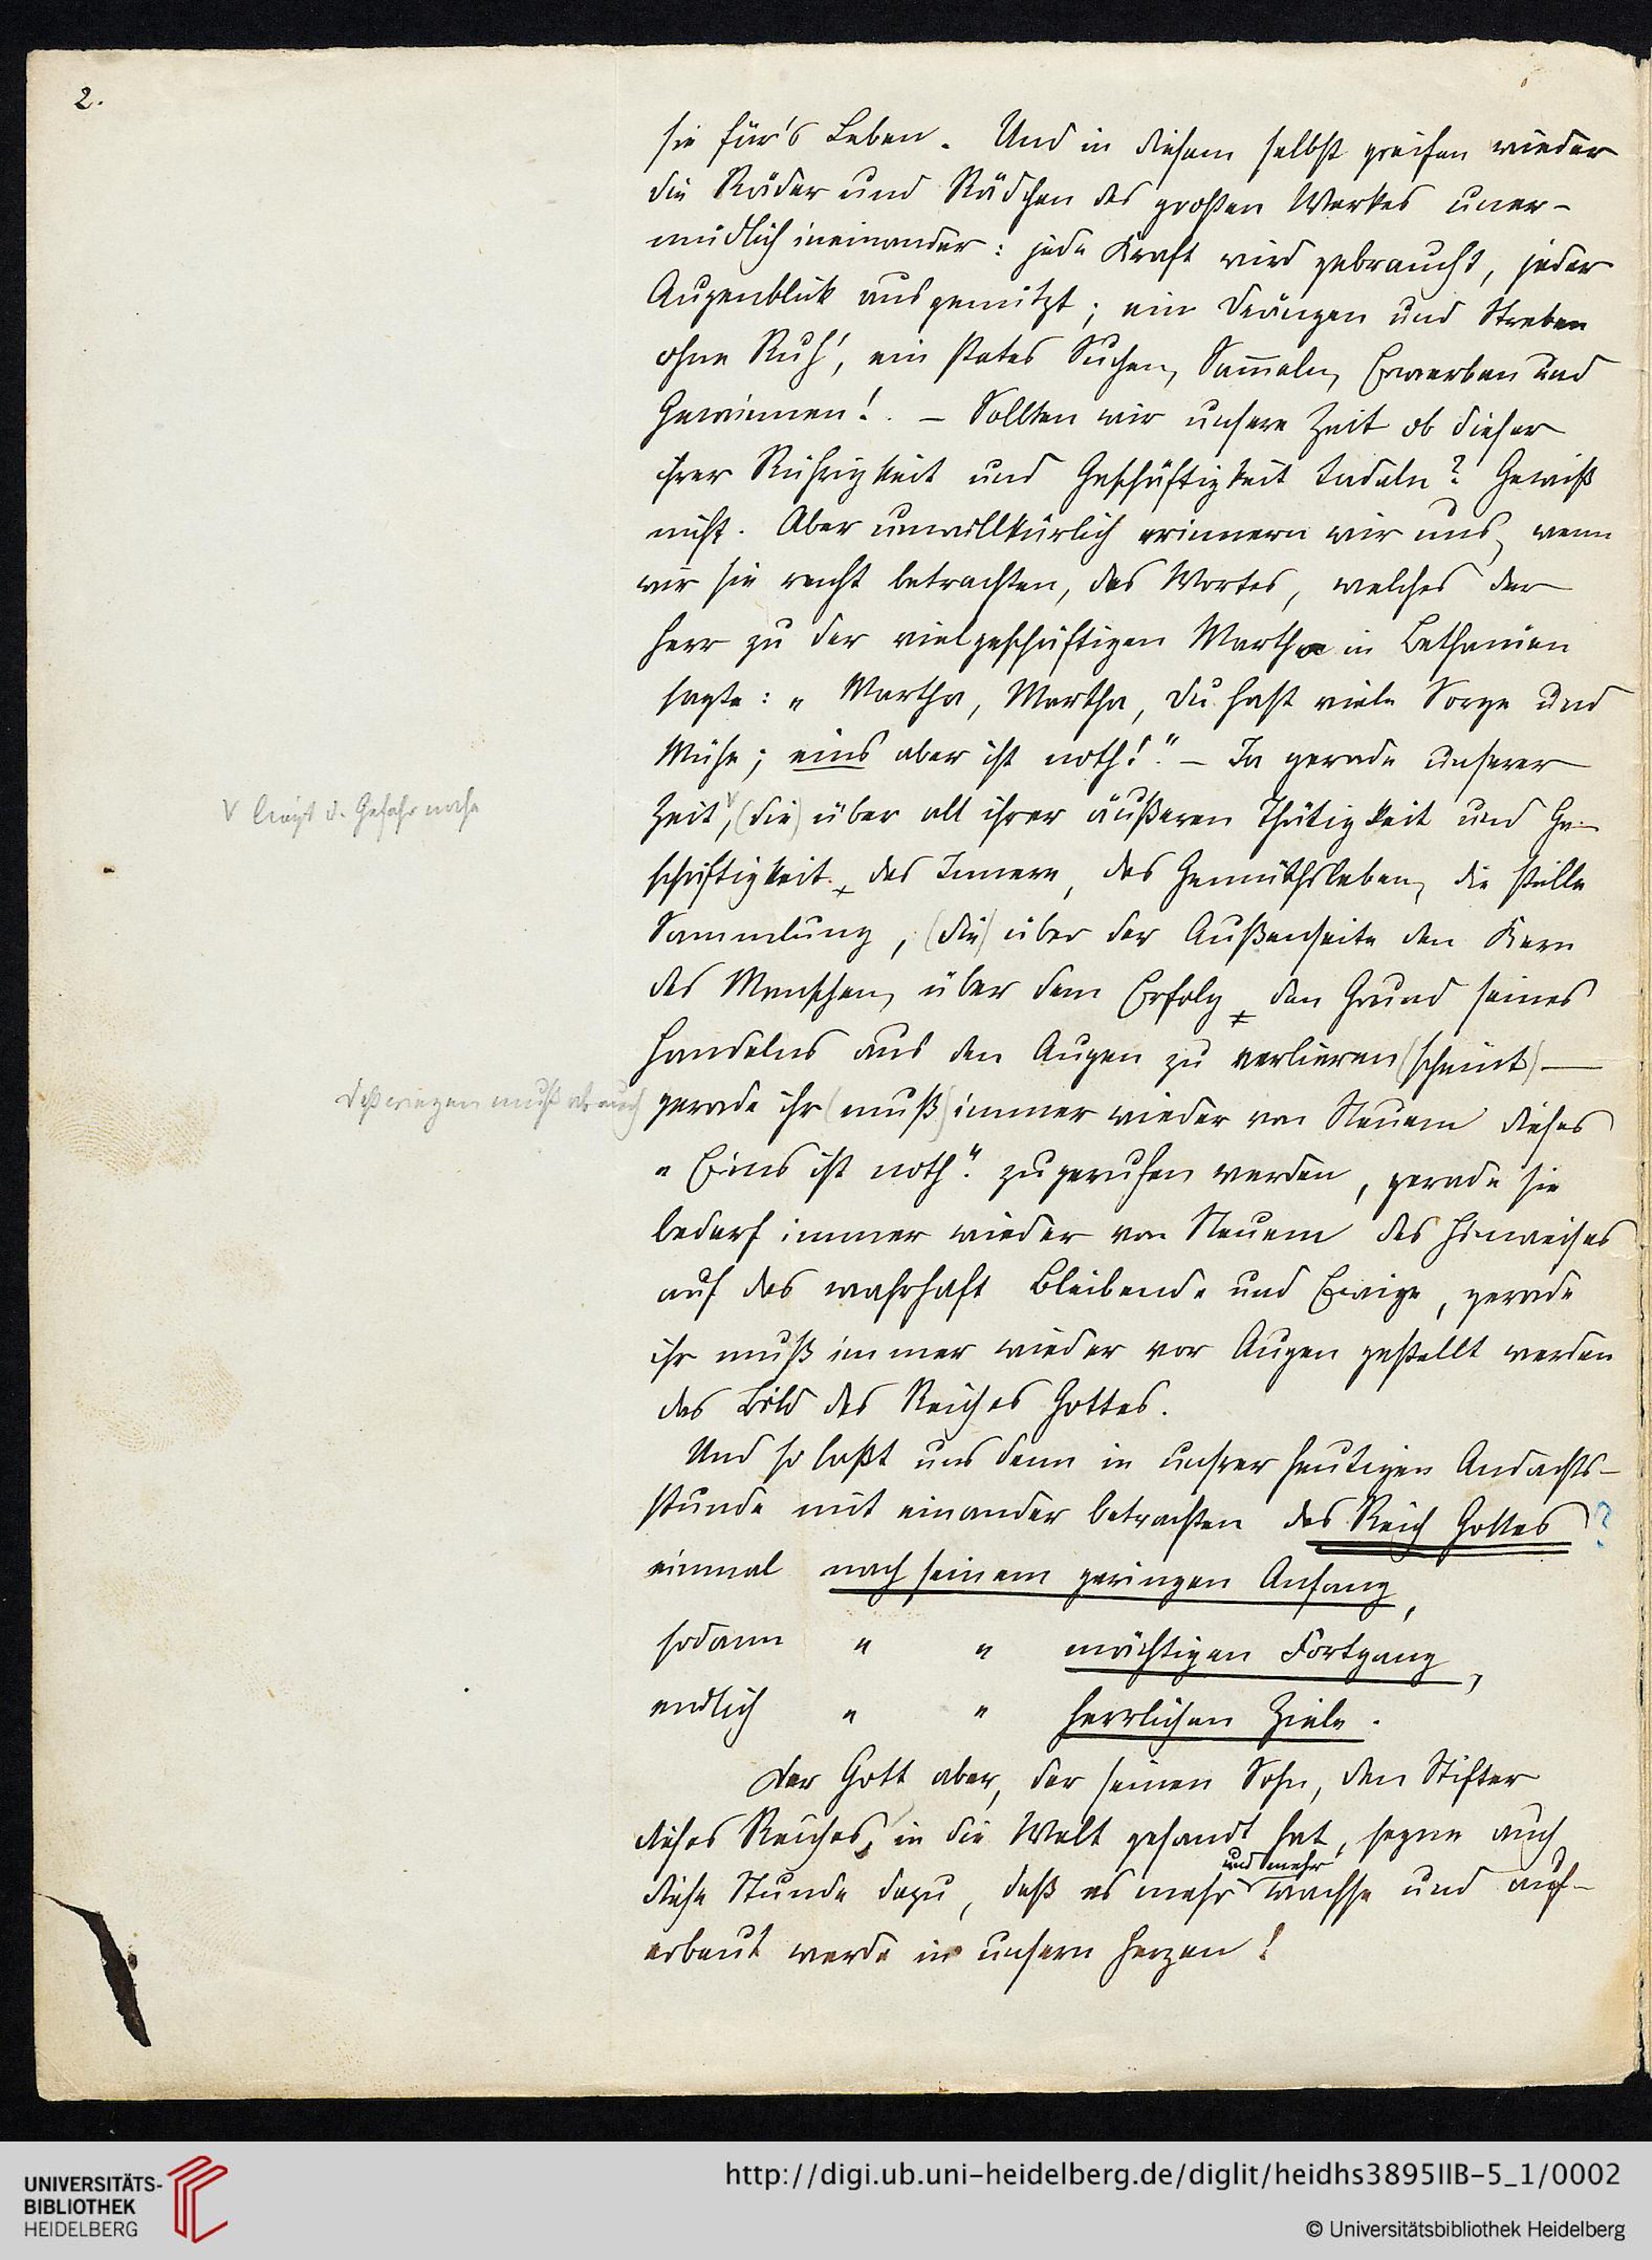2
V liegt d. Gefahr nahe
daß ewigen muß ab. auchh
2
sie für's Leben. Und in diesem selbst greifen wieder
die Räder und Rächen des großen Werkes uner¬
müdlich ineinander: jede Kraft wird gebraucht, jeder
Augenblick ausgenützt; ein Drängen und Streben
ohne Ruh', ein stetes Suchen, Sammeln, Erwerben und
Gewinnen! _ Sollten wir unsere Zeit ob dieser
ihrer Rührigkeit und Geschäftigkeit tadeln? Gewiß
nicht. Aber unwillkürlich erinnern wir uns, wenn
wir sie recht betrachten, des Wortes, welches der
Herr zu der vielgeschäftigen Martha in Bethanien
sagte: "Martha, Martha, du hast viele Sorgen und
Mühe; eins aber ist noth!" _ Ja gerade unserer
Zeit, (die) über all ihrer äußeren Thätigkeit und Ge¬
schäftigkeit, das Innere, das Gemüthsleben, die stille
Sammlung, (die) über der Außenseite den Kern
des Menschen, über den Erfolg, den Grund seines
Handelns aus den Augen zu verlieren (scheint) _
gerade ihr (muß) immer wieder von Neuem dieses
"Eins ist noth." zugerufen werden, derade sie
bedarf immer wieder von Neuem des Hinweises
auf das wahrhaft Bleibende und Ewige, gerade
ihr muß immer wieder vor Augen gestellt werden
das Bild des Reiches Gottes.
Und so laßt uns denn in unsrer heutigen Andachs¬
stunde miteinander betrachten das Reich Gottes
einmal nach seinem geringen Anfang,
sodann
"
"
mächtigen Fortgang
endlich
"
"
herrlichen Ziele.
Der Gott aber, der seinen Sohn, den Stifter
dieses Reiches in die Welt gesandt hat, segne auch
und mehr
diese Stunde dazu, daß es mehr wachse und auf¬
erbaut werd in unsern Herzen!